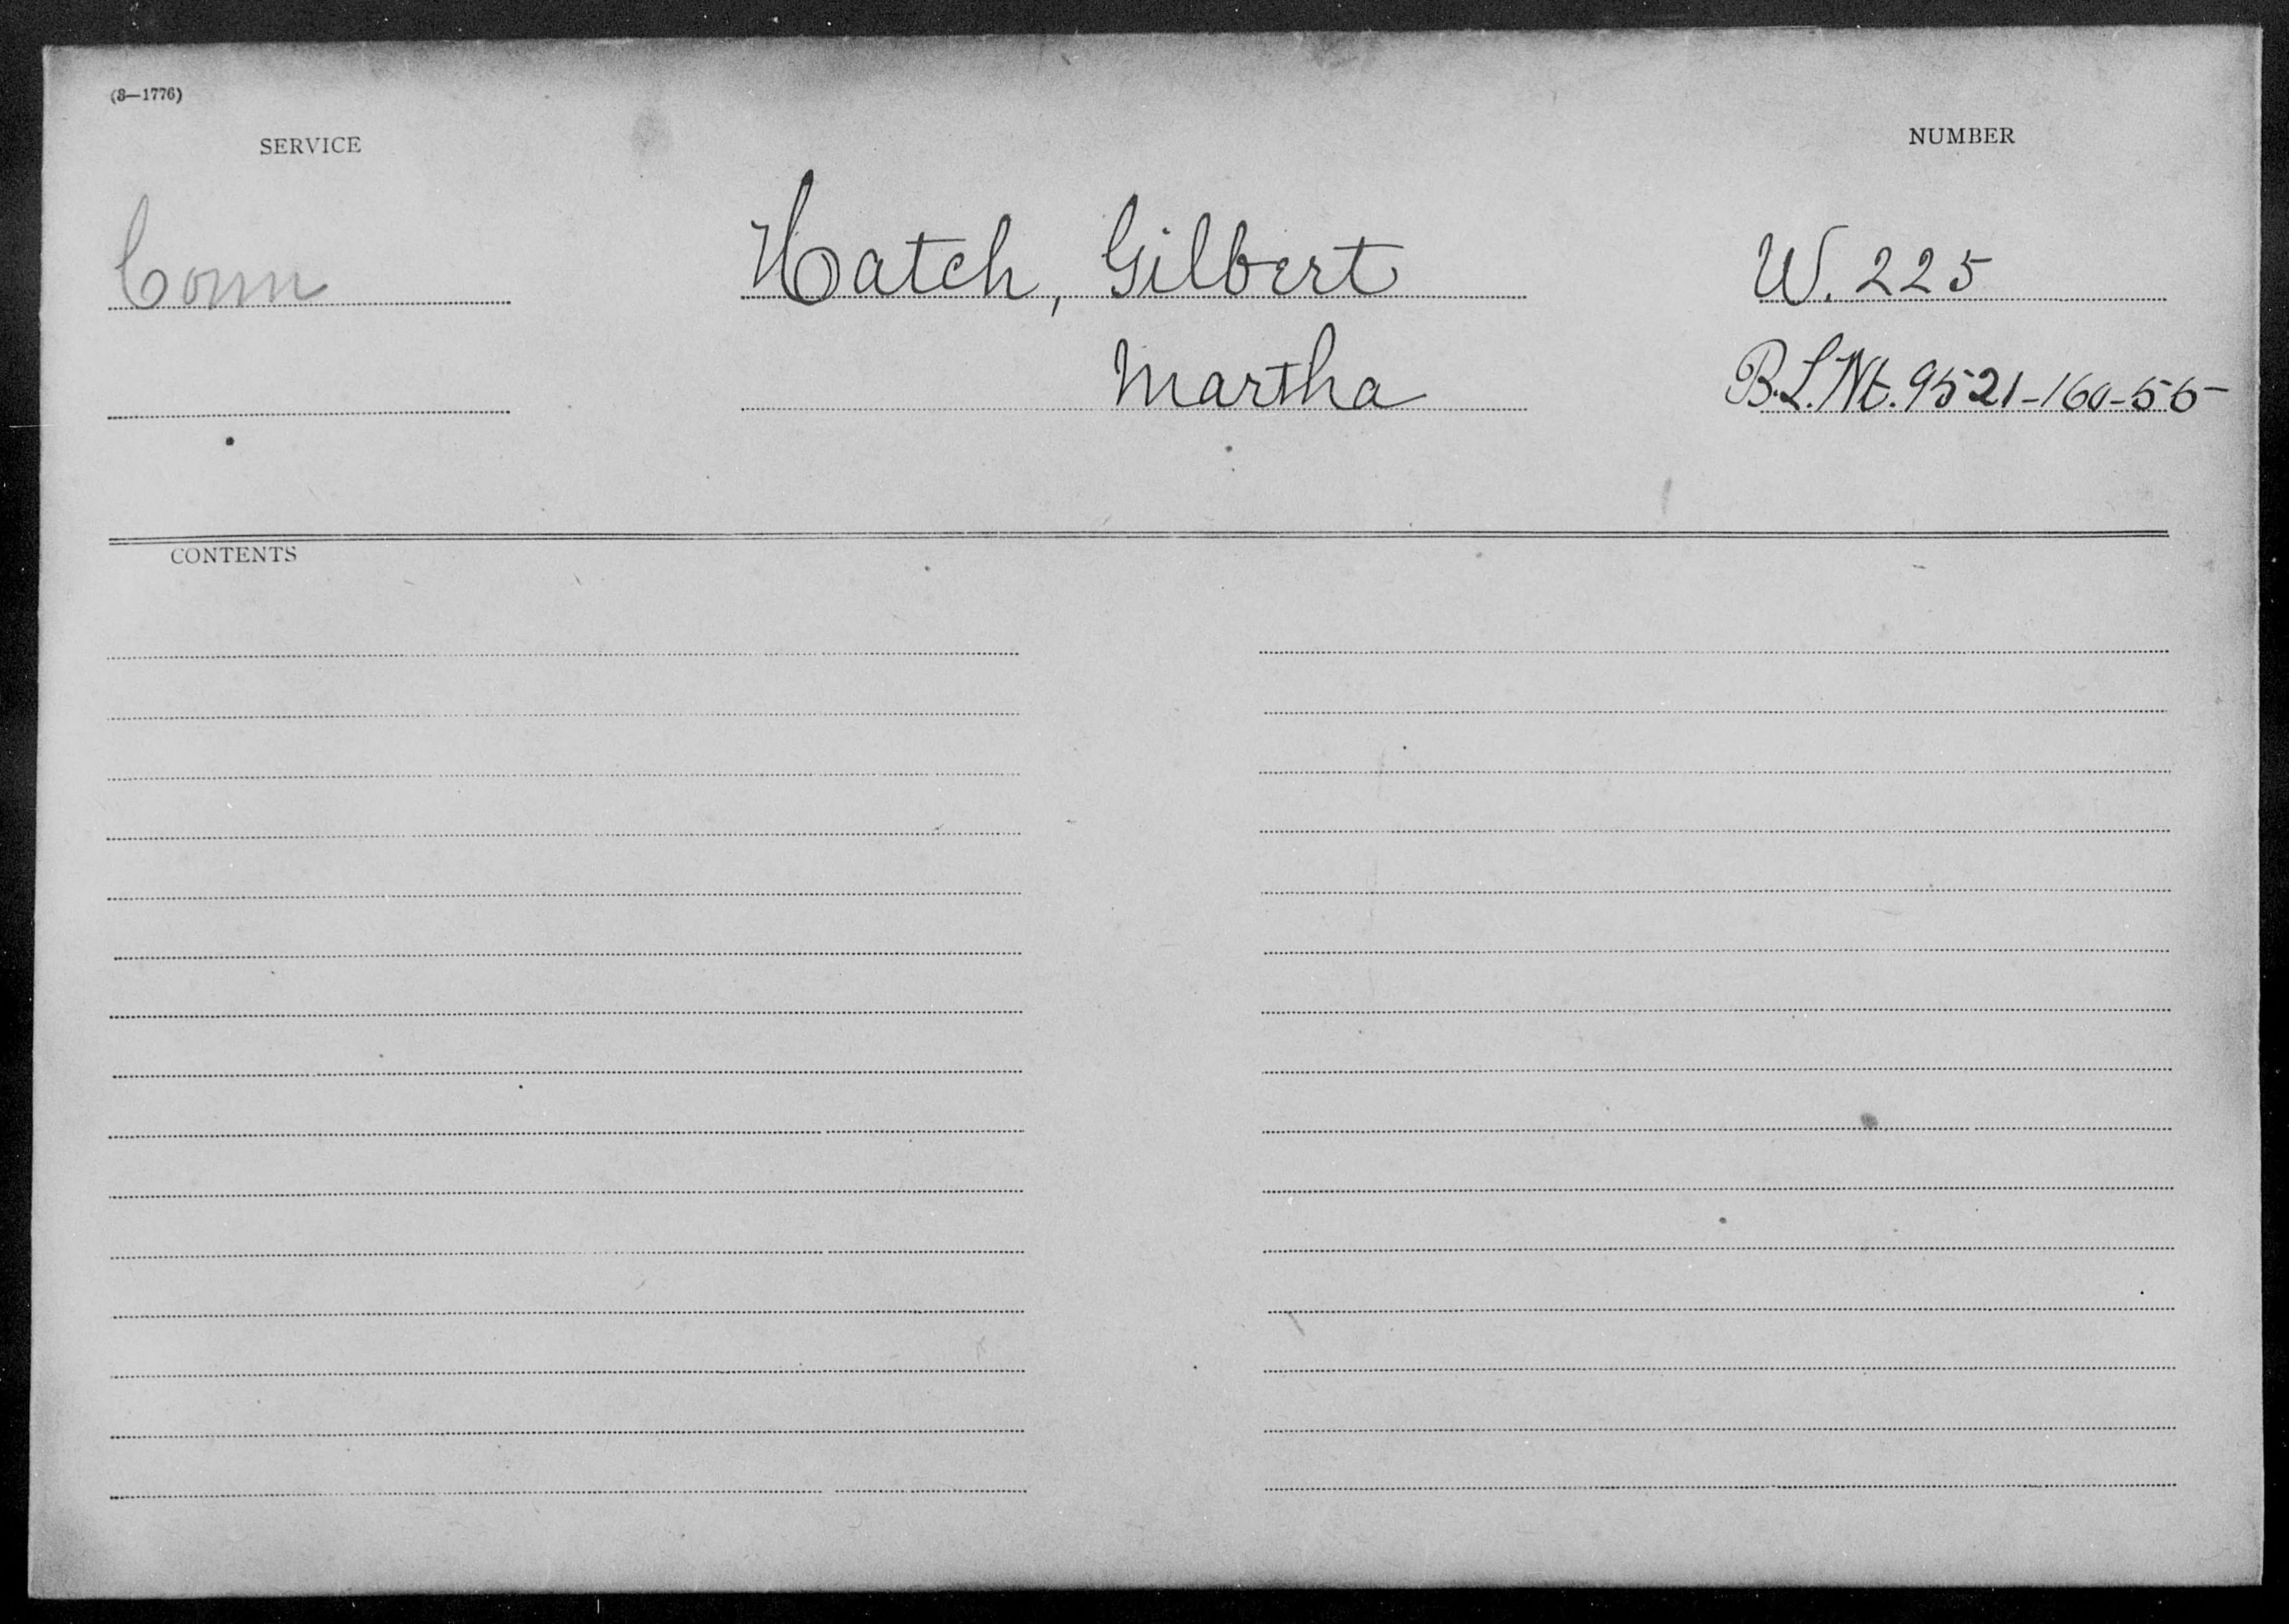(3 - 1776)

[page left]
SERVICE
Conn

[page center]
Hatch, Gilbert
Martha

[page right]
NUMBER
W. 225
B.L. Wt. 9521-160-56-


[page left]
CONTENTS
[blank]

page: 1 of 47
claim: widow's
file: W. 225, Gilbert Hatch, Conn.